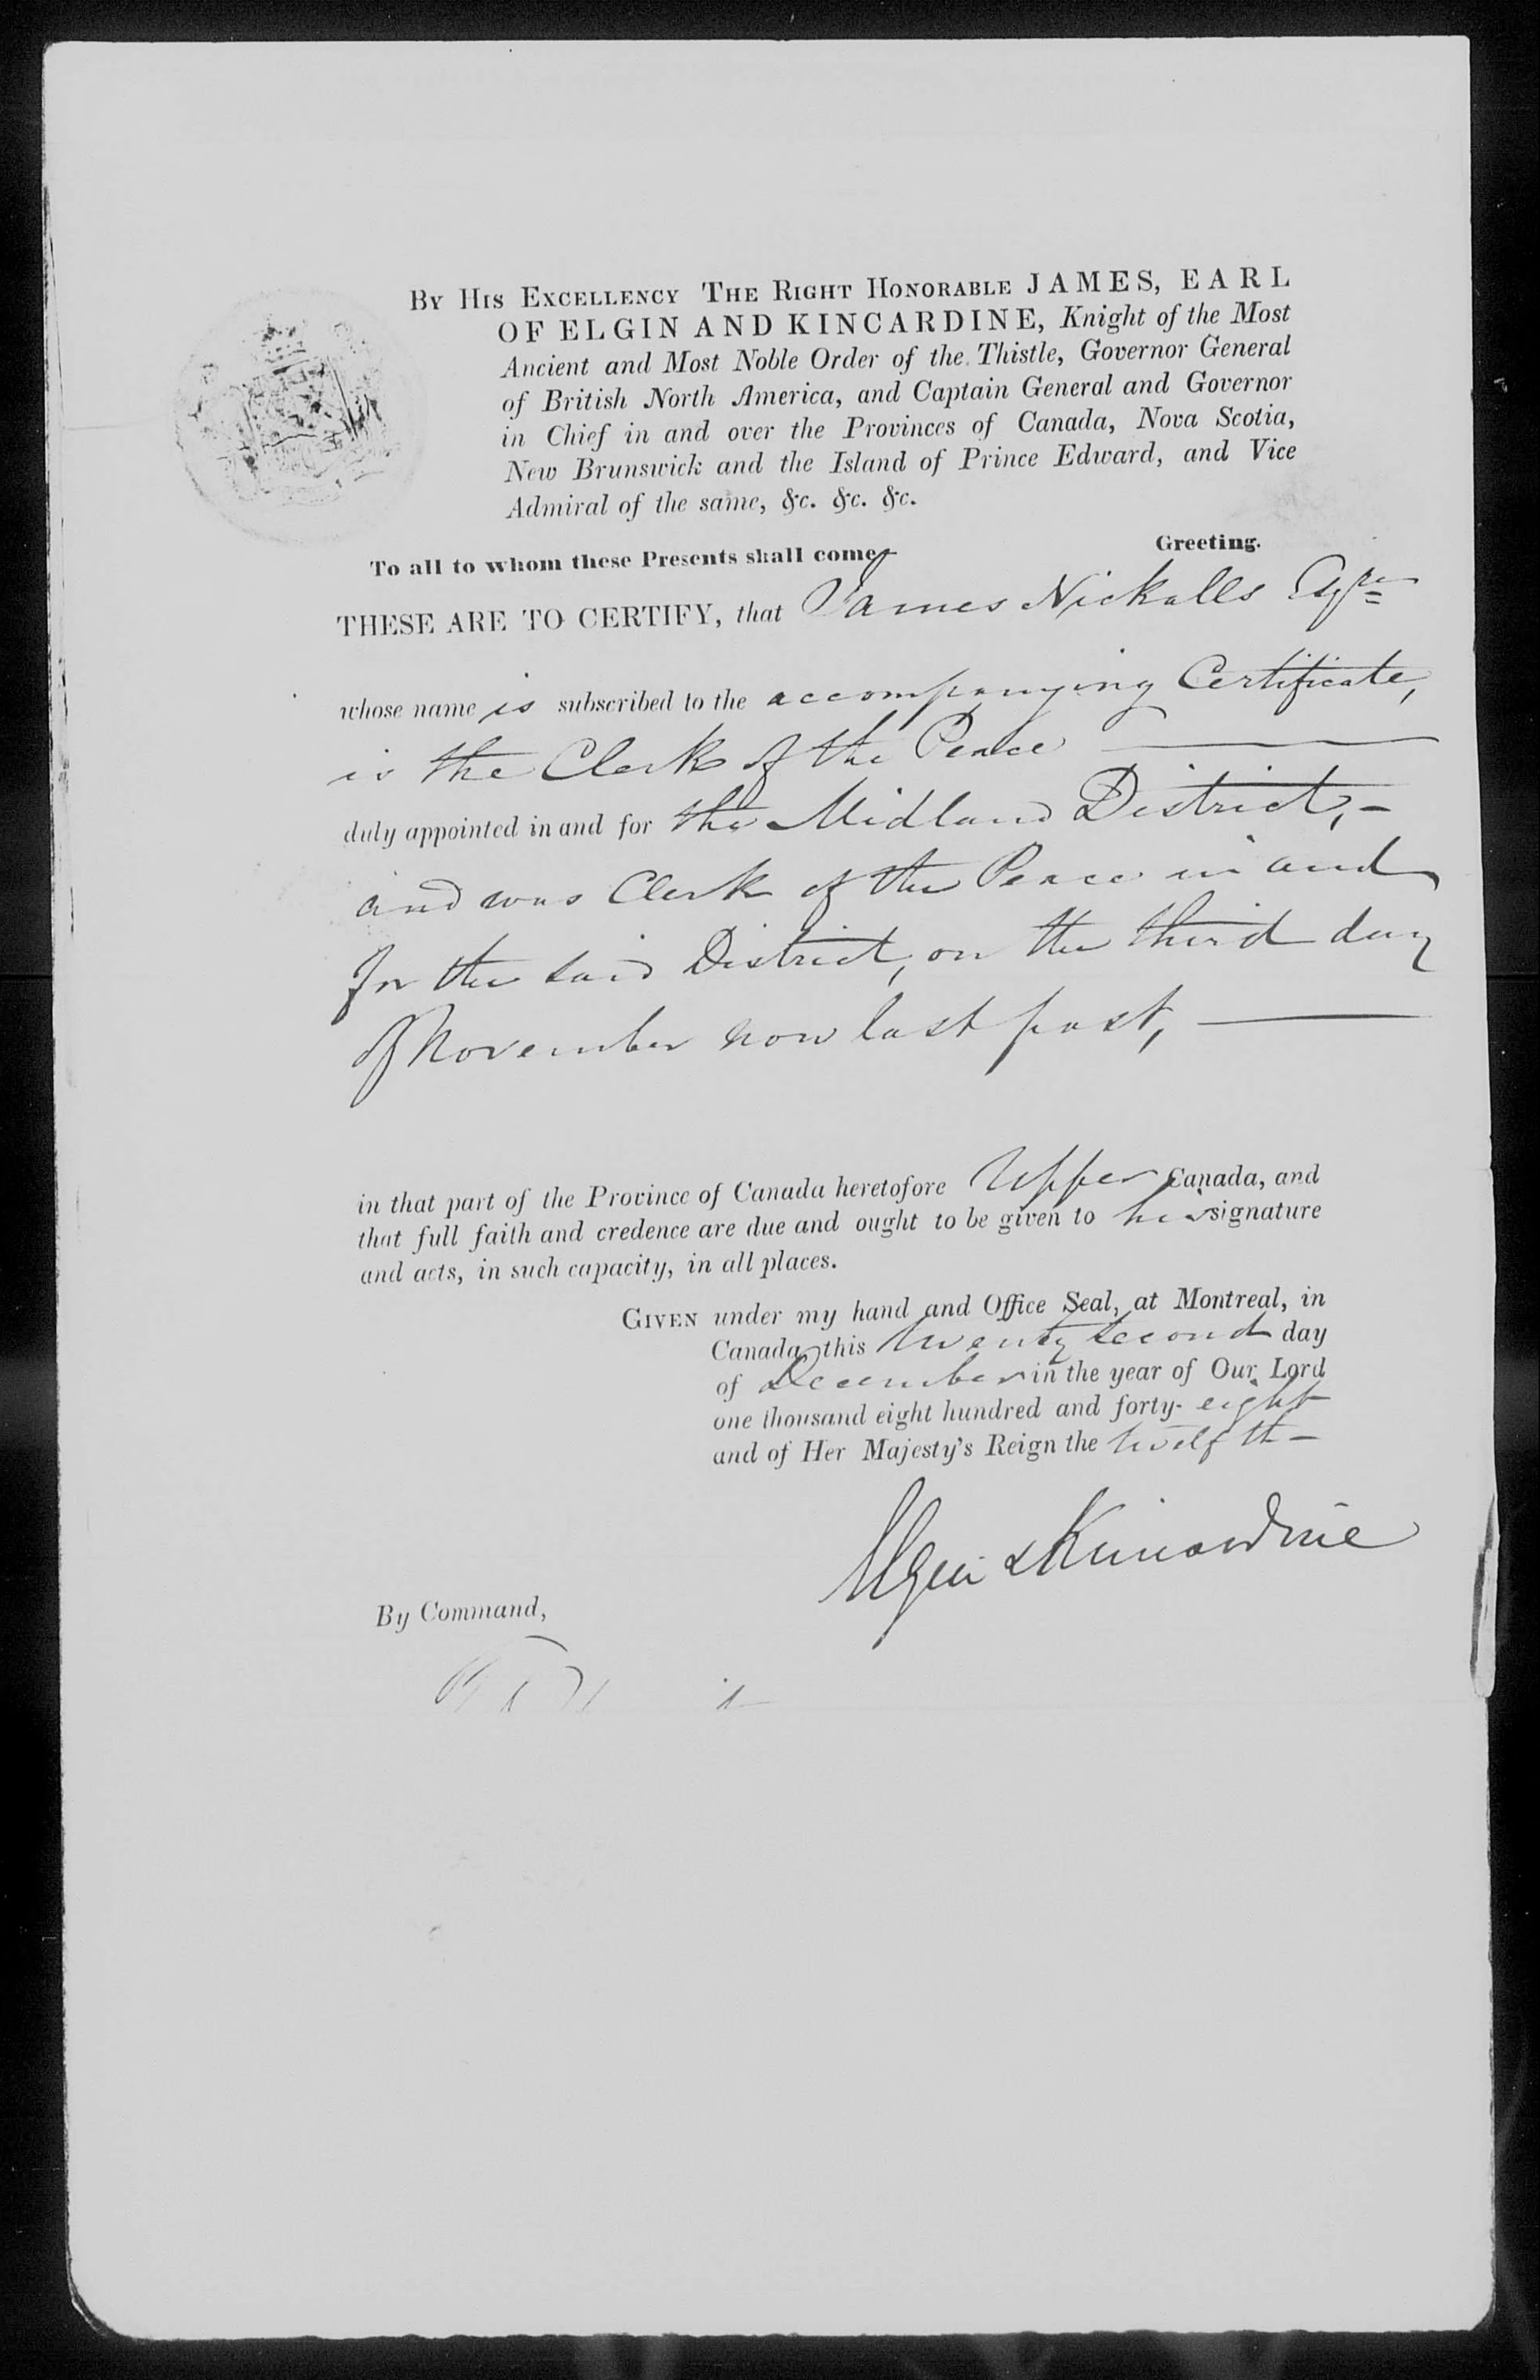BY HIS EXCELLENCY THE RIGHT HONERALBE JAMES, EARL OF ELGIN AND KINCARDINE, Knight of the Most Ancient and Most Noble Order of the Thistle, Governor General of British North America, and Captain General and Governor in Chief in and over the Provinces of Canada, Nova Scotia, New Brunswick and the Island of Prince Edward, and Vice Admiral of the same, &c. &c. &c.

To all to whom these Presents shall come. Greeting.
THESE ARE TO CERTIFY, that James Nickolls Esqr. whose name is subscribed to the accompanying Certificate, is the Clerk of the Peace duly appointed in and for the Midland District and was Clerk of the Peace in and for the said District on the third day of November now last past, -

in that part of the Province of Canada heretofore Upper Canada, and that full faith and credence are due and ought to be given to his signature and acts, in such capacity, in all places.

GIVEN under my hand and Office Seal, at Montreal, in Canada, this twenty second day of December in the year of Our Lord one thousand eight hundred and forty-eight and of Her Majesty's Reign the twelfth.

Elgin & Kincardine

By Command,
[illegible]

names: James Earl, Elgin Kincardine, James Nickolls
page: 75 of 106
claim: survivor's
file: S 23,116., Joshua Benedict, Conn.